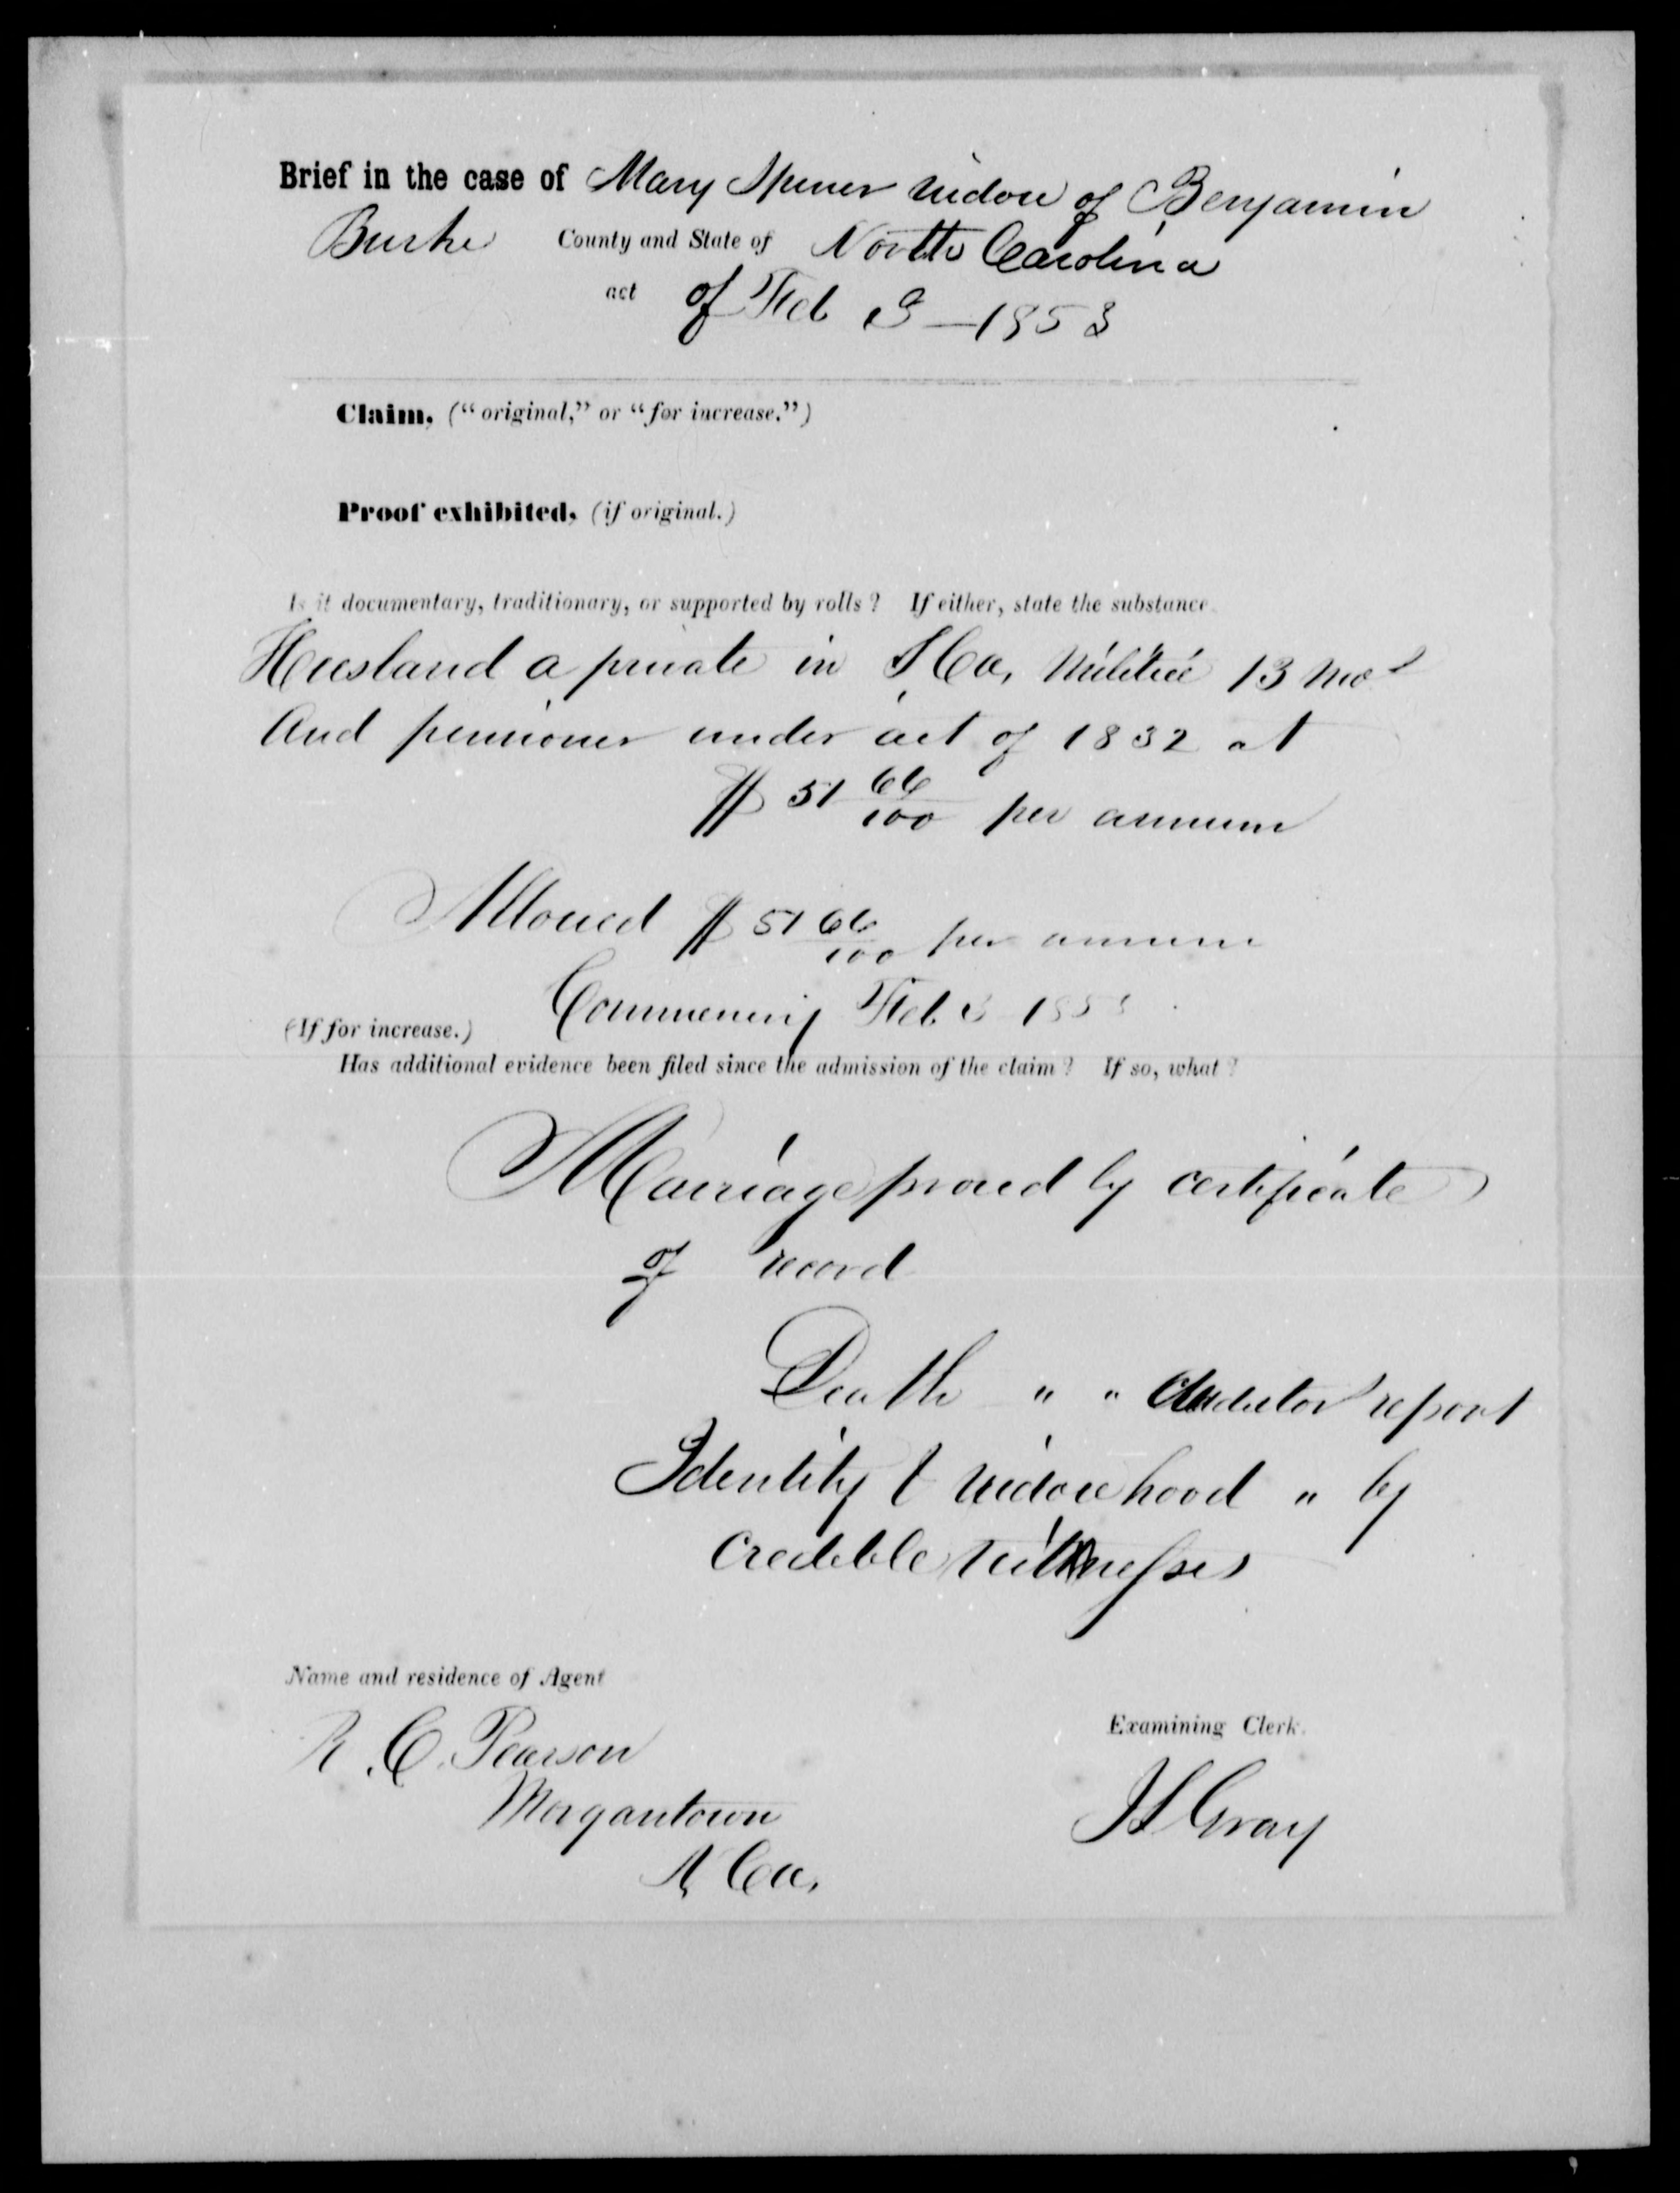arke 
Brief in the case of Mary Spin widow of Benjamin
Burke County and State of North Carolina
act of Feb 3, 1853

Claim (" original, or for increase.)
Proof exhibited, (if original.)
Is it documentary, traditionary, or supported by rolls? If either, state the substance
Husband a private in Co. Militia 13 mo
and pensioner under act of 1832 at
$51.66 per annum
Allowed $51.66 per annum
(If for Increase.)
Commencing Feb 3 1853
Has additional evidence been filed since the admission of the claim? If so, what?
Marriage proved by certificate
of Record
Death " " [illegible] report
Identity & Widowhood " by
credible witnesses
Name and residence of Agent
R.C. Pearson
Morgantown
N. Ca
Examining Clerk
J L Gray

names: J L Gray; R C Pearson; Benjamin Spener; Mary Spener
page: 39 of 63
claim: widow's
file: W. 6158, for Benjamin Spencer, North Carolina